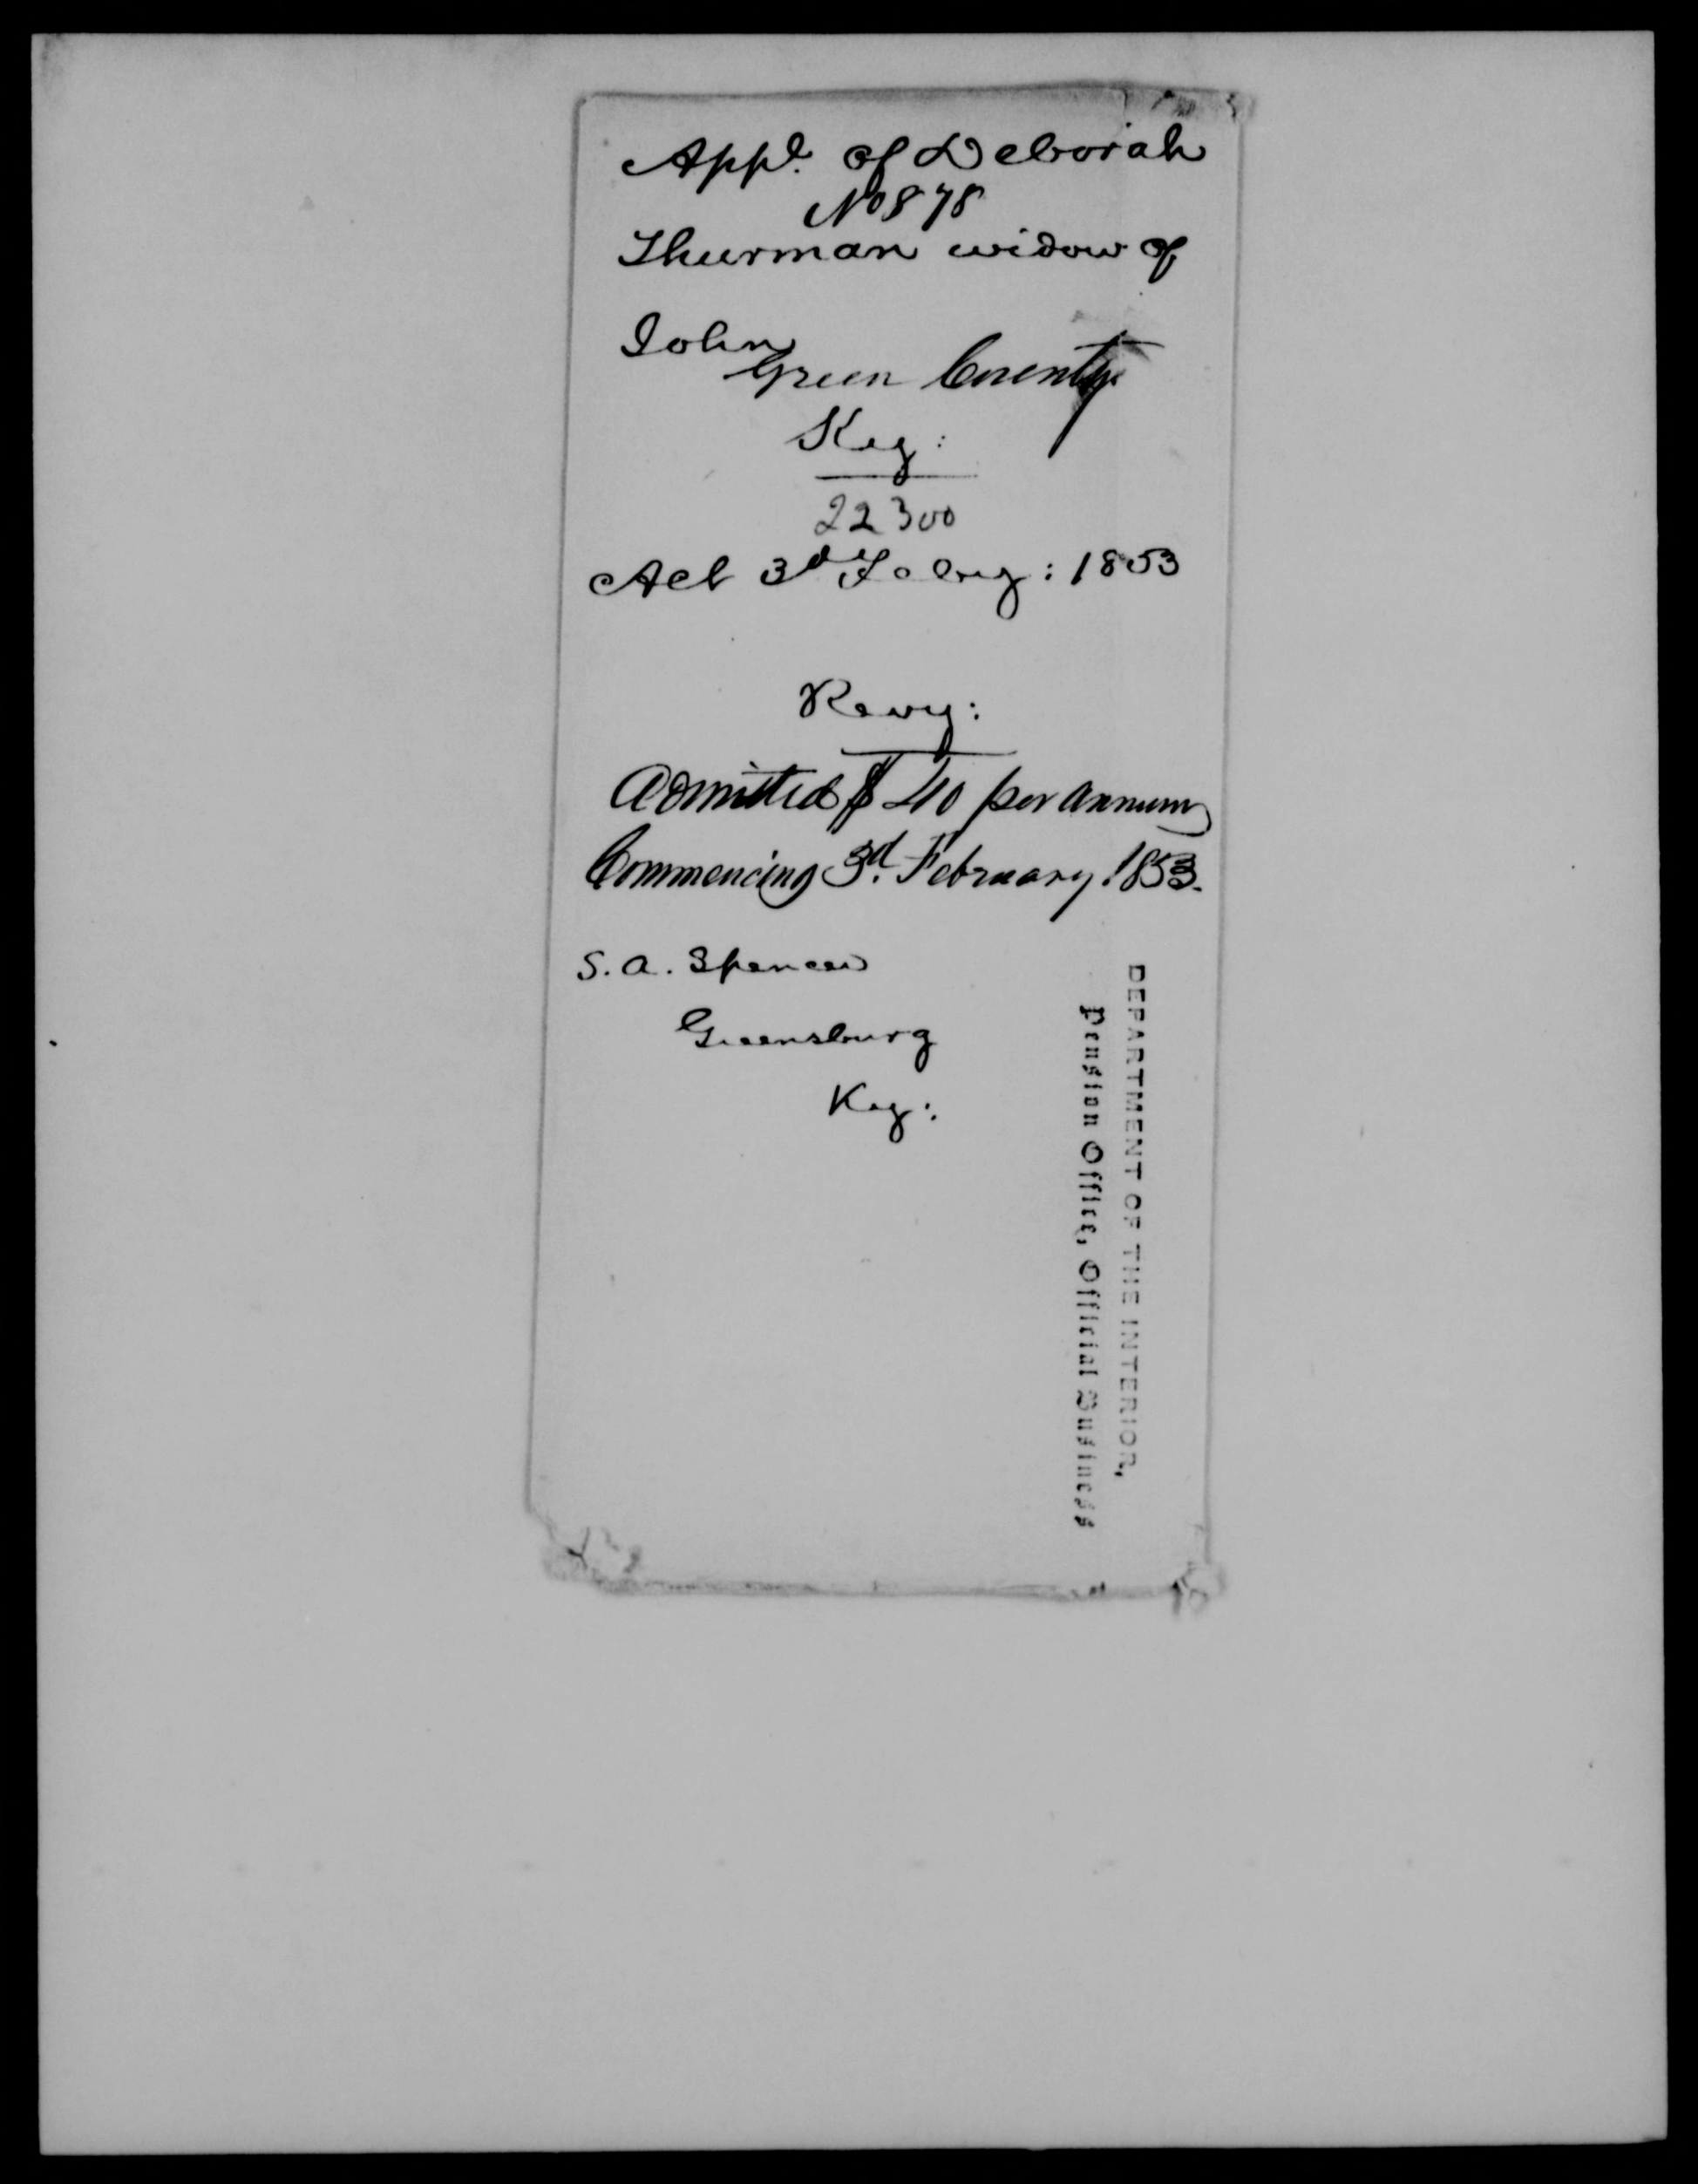Appl. of Deborah  No 878 Thurman widow of John Green County Ky :  22300 Act 3rd Feby : 1853 Revy : Admitted $40 per annum  Commencing 3rd February 1853. S. A. Spencer Greensburg Ky :   
[*DEPARTMENT OF THE INTERIOR , Pension Official Business*]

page: 30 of 53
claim: widow's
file: W. 6,267, for John Thurman, Georgia